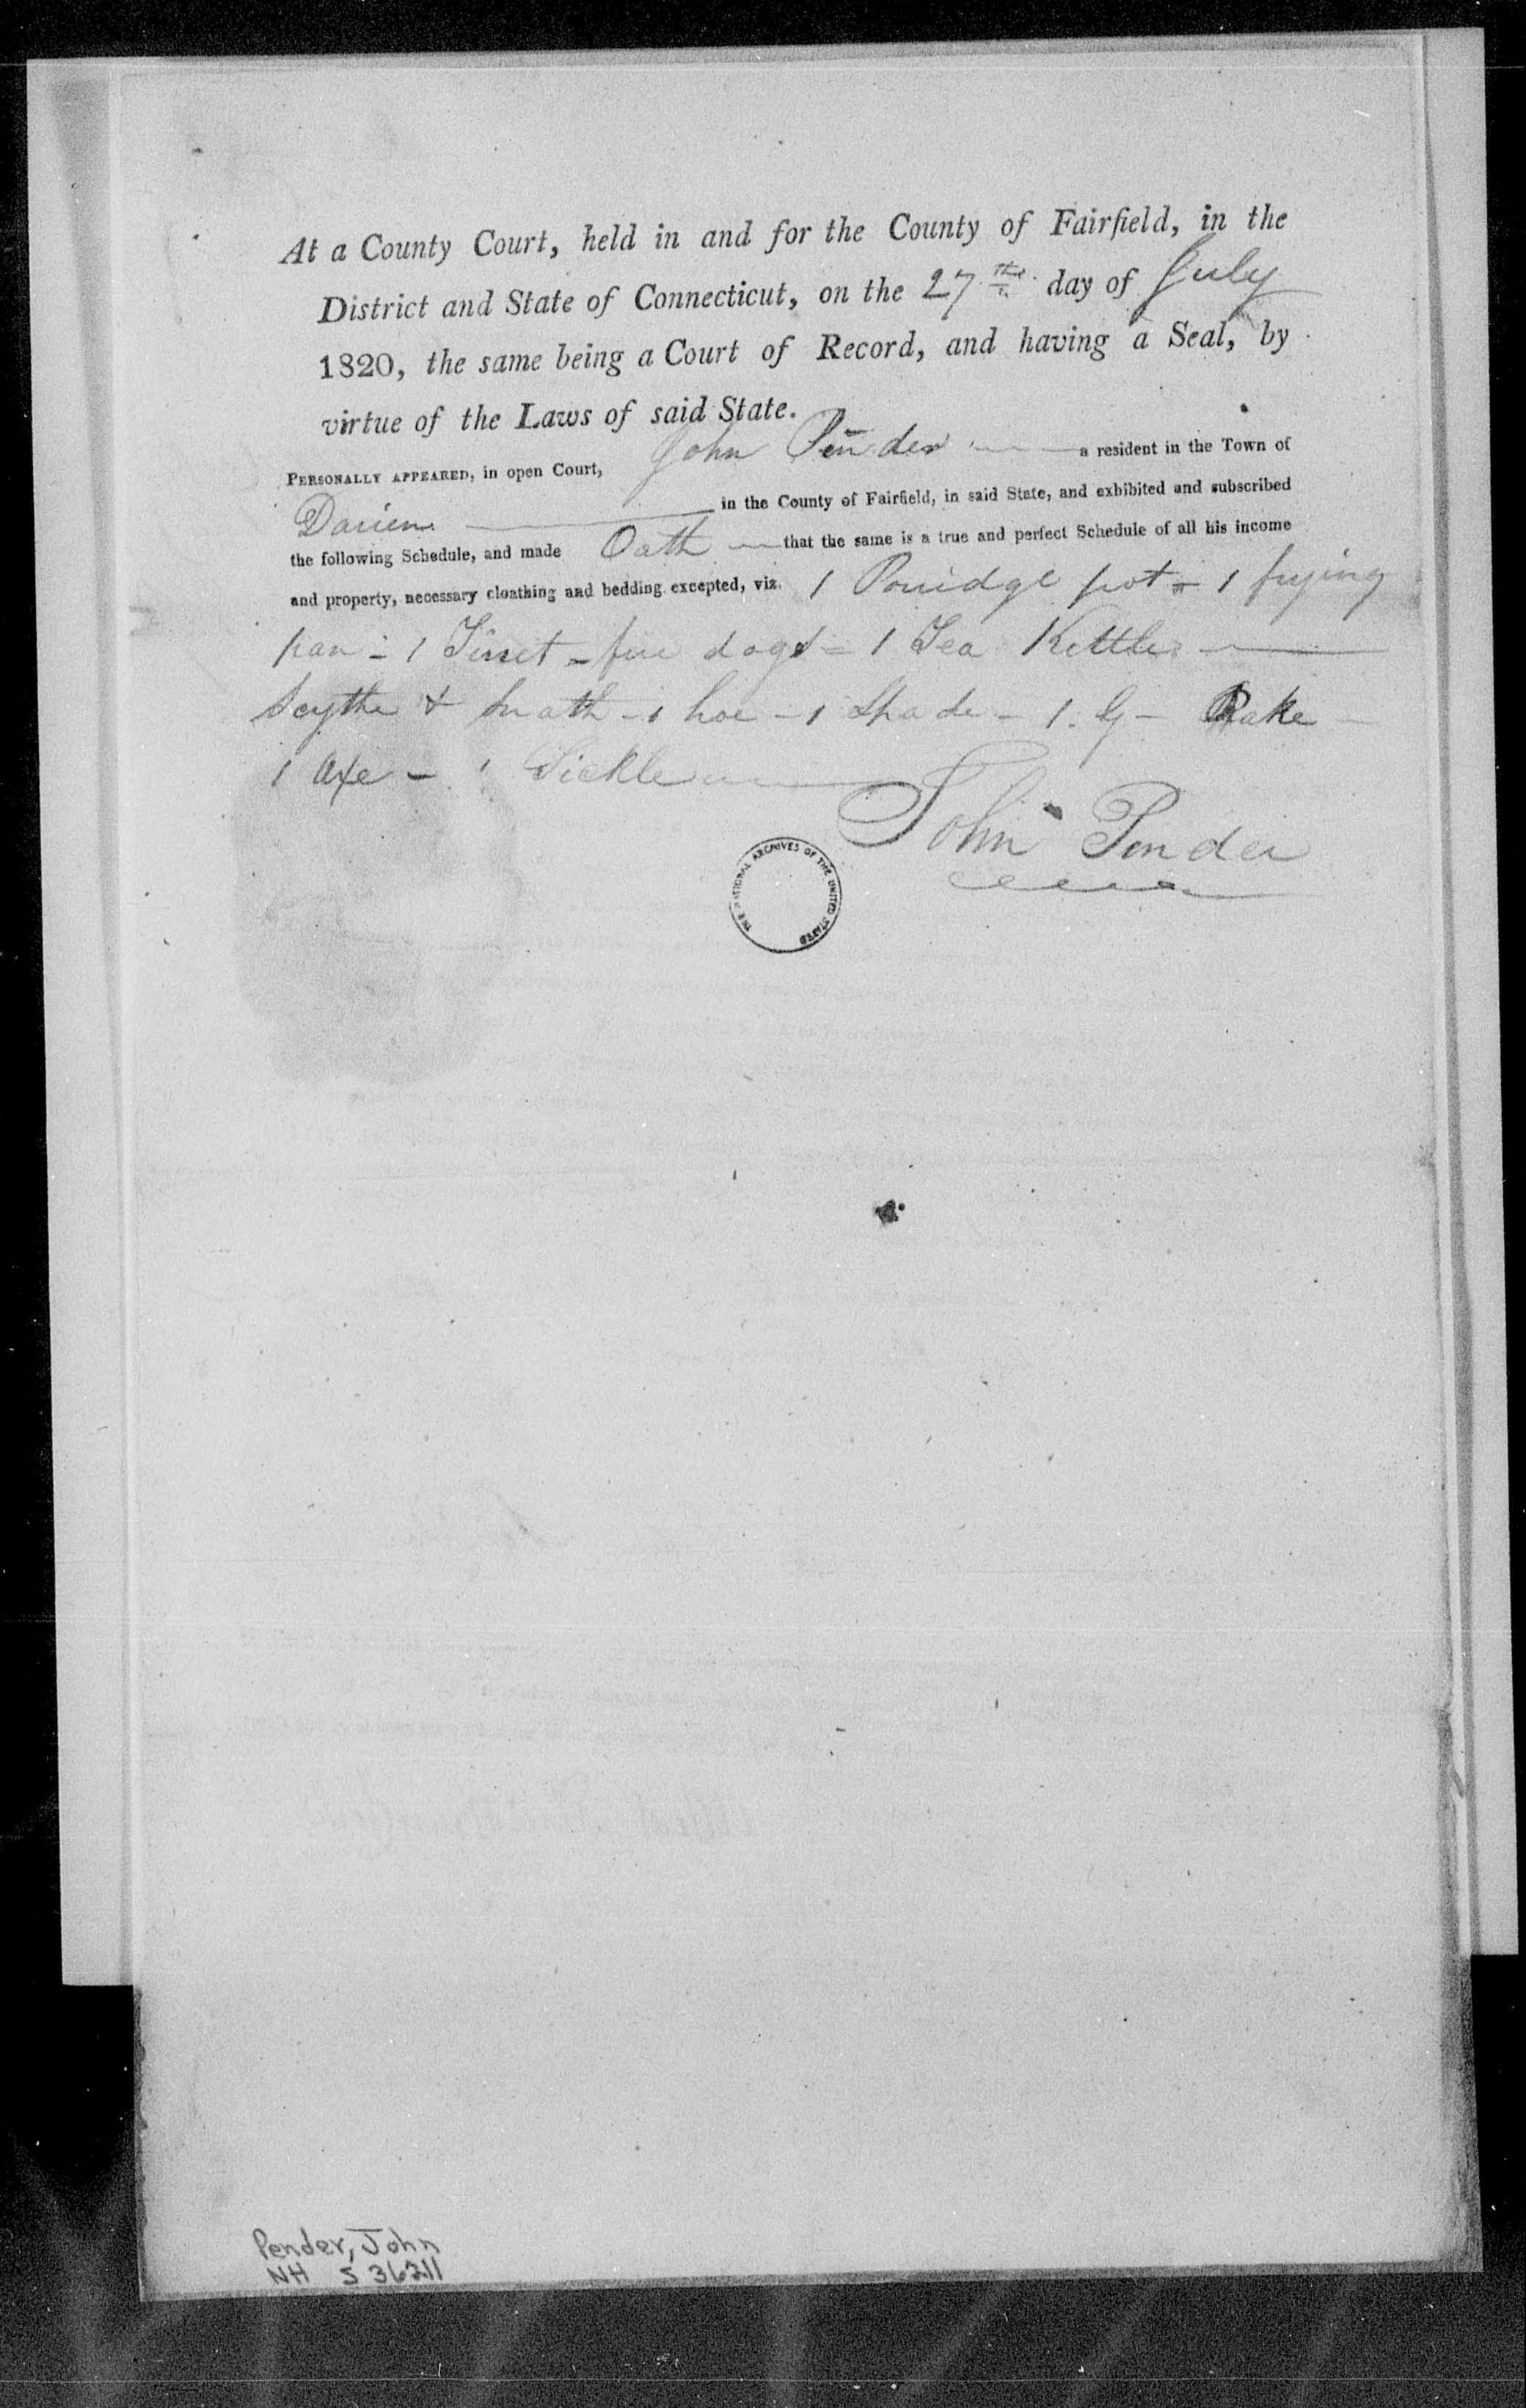At a County Court, held in and for the County of Fairfield, in the District and State of Connecticut, on the 27th day of July 1820, the same being a Court of Record, and having a Seal, by virtue of the Laws of said State.
PERSONALLY APPEARED, in open Court, John Pender a resident in the Town of Darien in the County of Fairfield, in said State, and exhibited and subscribed the following schedule, and made Oath that the same is a true and perfect Schedule of all his income and property, necessary cloathing and bedding excepted, viz
1 Porridge pot - 1 frying pan - 1 [Tisset?] - fire dogs - 1 Tea Kettle - Scythe & swath - 1 hoe - 1 Spade - 1 [?] -  Rake - 1 Axe -1 Sickle -
[signed] John Pender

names: John Pender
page: 13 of 13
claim: survivor's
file: S. 36211, for John Pender, New Hampshire